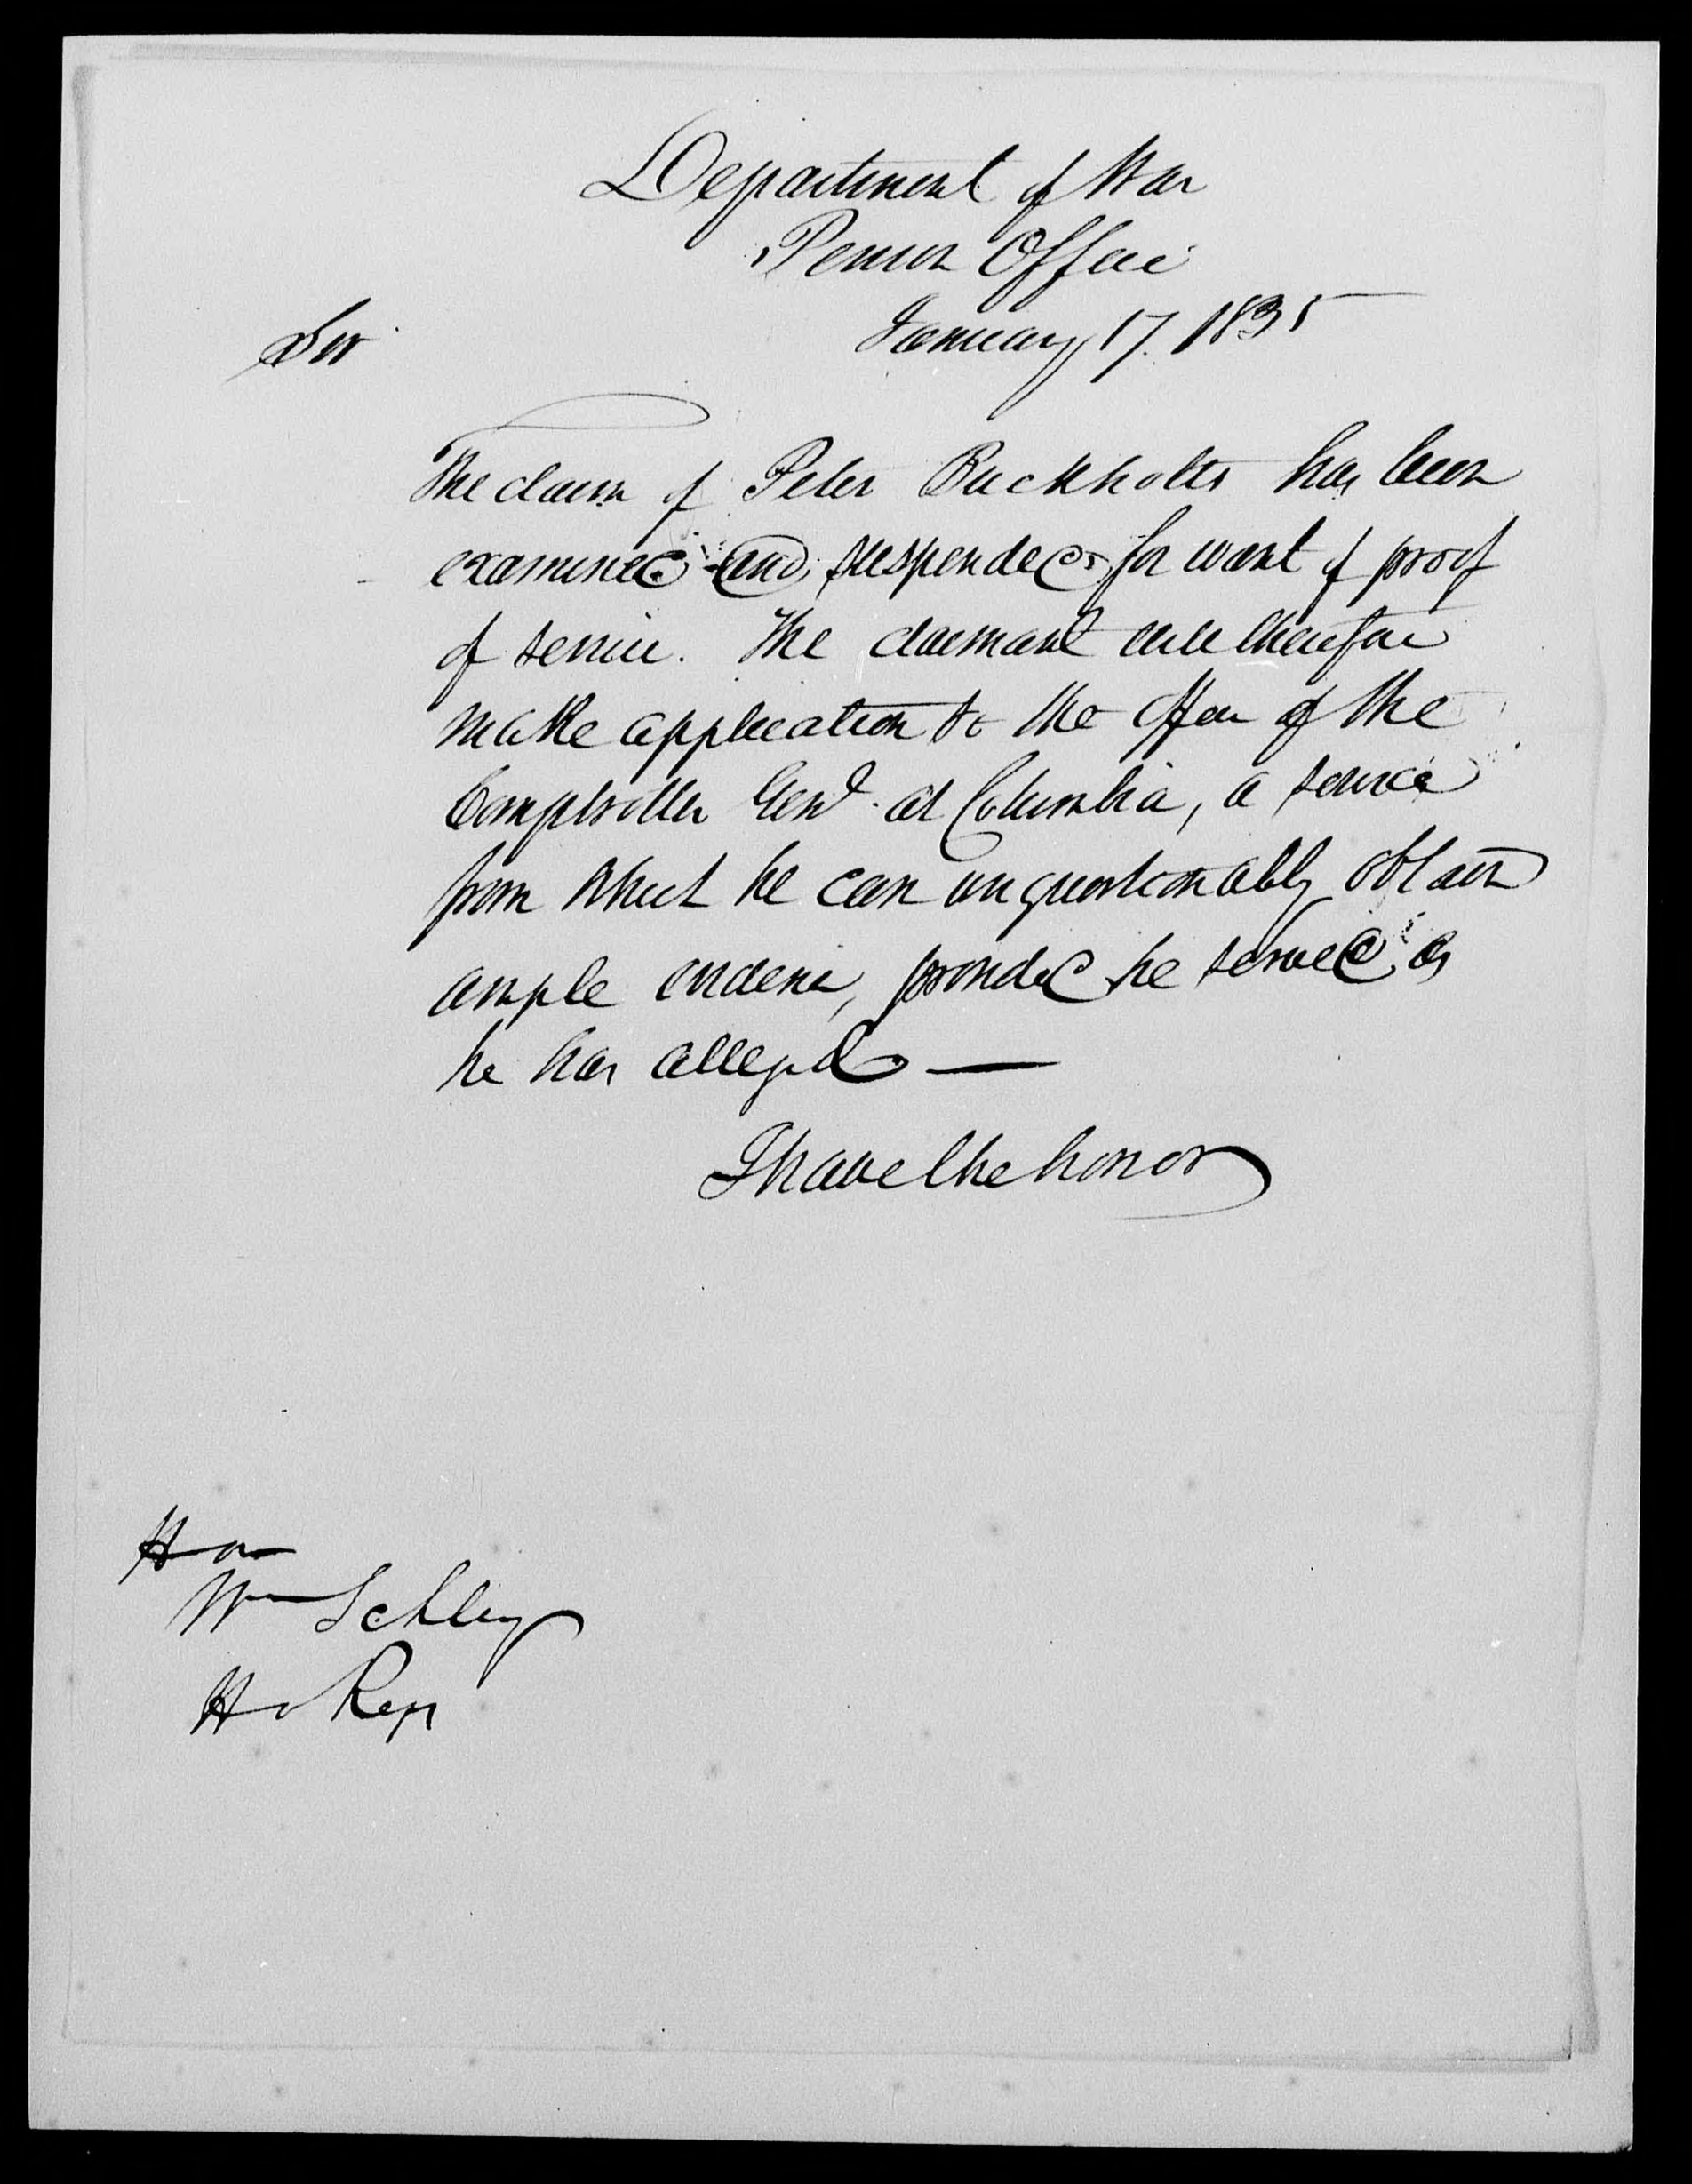Department of War
Pension Office
January 17 1835
Sir
The claim of Peter Buckholts has been examined and suspended for want of proof of service. The claimant will therefore make application to the office of the Comptroller Genl. at Columbia, a service from which he can unquestionably obtain ample evidence, provided he served as he alleged.
I have the honor


Hon Wm Schley
Ho Repr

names: Wm Schley, Peter Buckholts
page: 23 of 23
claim: rejected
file: R. 1465, Peter Buckholts, S.C.